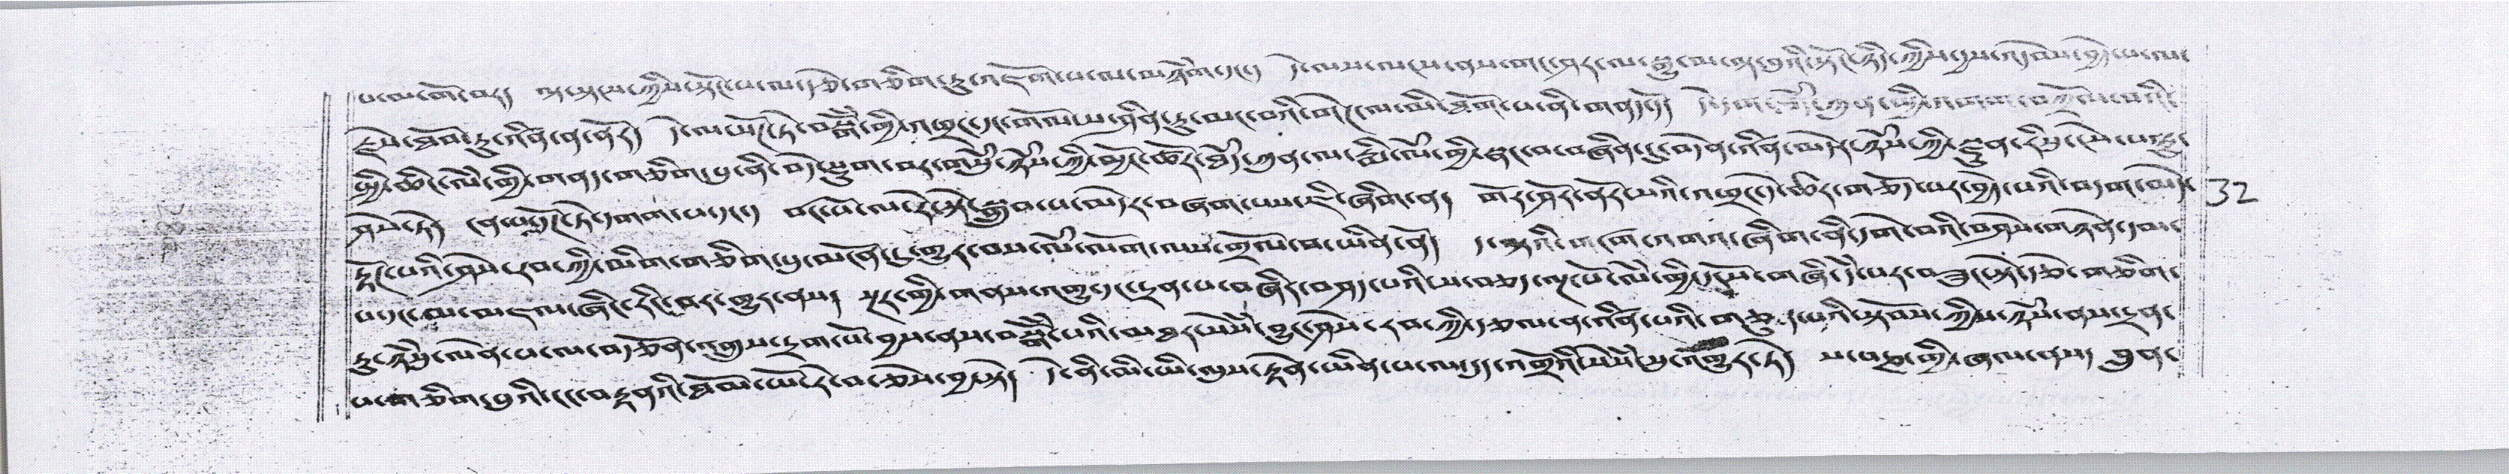པ་མ་གོ་བར། ལྟ་སྟངས་ཀྱིས་སྟོང་པ་ལ་རྩེ་གཅིག་ཏུ་འཇོག་པ་ལ་མཉམ་བཞག་དང། དེ་ལས་ལངས་ནས་གང་ཤར་ལ་སྒྱུ་མ་ལྟ་བུའི་སྟོང་ཉིད་ཀྱིས་རྒྱས་འདེབས་བྱེད་པ་ལ་
རྗེས་ཐོབ་ཏུ་འཛིན་ན་ནོར། དེ་ལ་སོགས་ཏེ་བསྒོམ་གྱི་འཕྲང་དང་གོལ་ས་ཤིན་ཏུ་མང་བའི་གེགས་ལ་མི་ཐོག་པ་ནི་གནད་དོ། དེ་དག་ཐམས་ཅད་ཀུན་གྱི་འགག་བཀྲོལ་བའི་
སྤྱི་ཆིང་ལམ་གྱི་གནད་གཅིག་པུ་ནི་བདེ་སྡུག་བར་གསུམ་ཉམས་ཀྱི་མྱོང་ཚོར་ཐམས་ཅད་ཀུན་ལ་རྨི་ལམ་གྱི་སྣང་བ་བཞིན་དུ་བདེན་འཛིན་མེད་པར་ཉམས་ཀྱི་རྫུན་རིགས་སུ་ངེས་པ་ལྟར་བུ་
ཤེས་ཏེ། ངན་པ་ལ་དོགས་ཏེ་དགག་པ་དང། བཟང་པོ་ལ་རེ་སྟེ་སྒྲུབ་པ་མེད་པར་བཞག་པས་ཇི་ཞིག་ན། གོར་ཤོར་ནོར་སའི་འཕྲང་དེ་ཚར་གཅོད་པར་བྱེད་པའི་བདག་མེད་
རྟོགས་པའི་ཤེས་རབ་ཀྱི་མིག་གཅིག་པུ་མངོན་དུ་གྱུར་བས་ལམ་ལོག་ལས་གྲོལ་བ་ཡིན་ནོ། ད་ལྟའི་གང་ཟག་འགའ་ཞིག་ནི་དགེ་བའི་བཤེས་གཉེན་དམ་
པ་དང་མ་མཇལ་ཞིང་རིང་བར་གྱུར་ནས། སྔར་གྱི་གནས་འགྱུ་དང་དྲན་པ་བཞིར་བཤད་པའི་ས་བཅད་ལྔ་པོ་ལམ་གྱི་དངོས་གཞི་དམ་པར་བཟུང་སྟེ་རྩེ་གཅིག་
ཏུ་ཉམས་སུ་ལེན་པ་ལ་བརྩོན་འགྲུས་དྲག་པོ་བྱས་ནས་བསྒོམ་པའི་མཐར་སེམས་བྱུང་ཤེས་རབ་ཀྱི་རྩལ་ན་འཛིན་པའི་གཅུན་པའི་སྟོབས་ཀྱིས་ཉམས་ནས་དྲན་
པ་གཅིག་པུའི་ངང་བརྟན་པའི་ཐོམ་ཡོ་རེ་བ་ཅེས་བྱ་སྟེ། དེ་ནི་མི་ཡི་ལུས་རྟེན་ཡིན་པ་ལ་དུད་འགྲོའི་སེམས་སུ་འགྱུར་ཏེ། ས་པཎ་གྱི་ཞལ་ནས། བླུན་